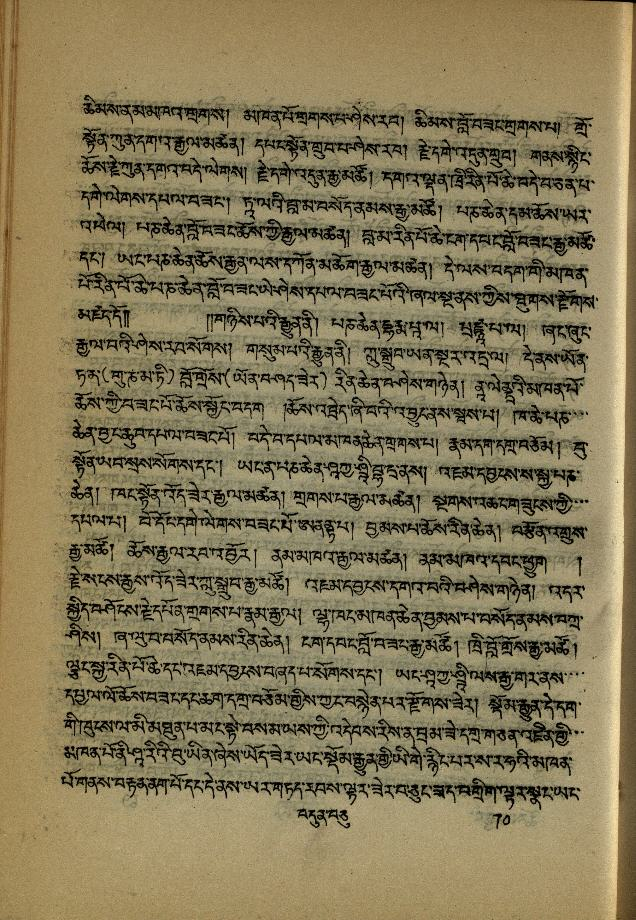ཆིམས་ནམ་མཁའ་གྲགས། མཁན་པོ་གྲགས་པ་ཤེས་རབ། ཆིམས་བློ་བཟང་གྲགས་པ། གྲོ་
སྟོན་ཀུན་དགའ་རྒྱལ་མཚན། དབང་སྟོན་གྲུབ་པ་ཤེས་རབ། རྗེ་དགེ་འདུན་གྲུབ། གནས་སྙིང་
ཆོས་རྗེ་ཀུན་དགའ་བདེ་ལེགས། རྗེ་དགེ་འདུན་རྒྱ་མཚོ། དགའ་ལྡན་ཁྲི་རིན་པོ་ཆེ་བདེ་བ་ཅན་པ་
དགེ་ལེགས་དཔལ་བཟང་། ཏཱ་ལའི་བླ་མ་བསོད་ནམས་རྒྱ་མཚོ། པཎ་ཆེན་དམ་ཆོས་ཡར་
འཕེལ། པཎ་ཆེན་བློ་བཟང་ཆོས་ཀྱི་རྒྱལ་མཚན། བླ་མ་རིན་པོ་ཆེ་ངག་དབྣག་བློ་བཟང་རྒྱ་མཚོ་
དང་། ཡང་པཎ་ཆེན་ཆོས་རྒྱན་ལས་དཀོན་མཆོག་རྒྱལ་མཚན། དེ་ལས་བདག་གི་མཁན་
པོ་རིན་པོ་ཆེ་པཎ་ཆེན་བློ་བཟང་ཡེ་ཤེས་དཔལ་བཟང་པོའི་ཞལ་སྔ་ནས་ཀྱིས་ཐུགས་རྫོགས་
མཛད་དོ།། །།གཉིས་པའི་རྒྱུན་ནི། པཎ་ཆེན་དྷརྨ་པཱ་ལ། པྲཛྙཱ་པ་ལ། ཞང་ཞུང་
རྒྱལ་བའི་ཤེས་རབ་སོགས། གསུམ་པའི་རྒྱུན་ནི། ཀླུ་སྒྲུབ་ཡན་སྔར་འདྲ་ལ། དེ་ནས་ཡོན་
ཏན་གུ་ཎ་མ་ཏི་བློ་གྲོས་ཡོན་བཤད་ཟེར་རིན་ཆེན་བཤེས་གཉེན། ནཱ་ལེནྡྲའི་མཁན་པོ་
ཆོས་ཀྱི་བཟང་པོ་ཆོས་སྐྱོང་བདག །ཆོས་འབྲེད་ཞི་བའི་འབྱུང་ནས་སྦས་པ། ཁ་ཆེ་པཎ་
ཆེན་བྱང་ཆུབ་དཔལ་བཟང་པོ། བདེ་བ་དཔལ་མཁན་ཆེན་གྲགས་པ། རྣམ་དག་དགྲ་བཅོམ། བུ་
སྟོན་ཡབ་སྲས་སོགས་དང་། ཡང་ན་པཎ་ཆེན་ཤཱཀྱ་ཤྲཱི་བྷ་དྲ་ནས། འཇམ་དབྱངས་ས་སྐྱ་པཎ་
ཆེན། ཁང་སྟོན་འོད་ཟེར་རྒྱལ་མཚན། གྲགས་པ་རྒྱལ་མཚན། སྔགས་འཆང་གཟུངས་ཀྱི་
དཔལ་པ། བོ་དོང་དགེ་ལེགས་བཟང་པོ་ཨནནྟ་པ། བྱམས་པ་ཆོས་རིན་ཆེན། བརྩོན་འགྲུས་
རྒྱ་མཚོ། ཆོས་རྒྱལ་རབ་འབྱོར། ནམ་མཁའ་རྒྱལ་མཚན། ནམ་མཁའ་དབང་ཕྱུག །
རྗེ་སངས་རྒྱས་འོད་ཟེར་ཀླུ་སྒྲུབ་རྒྱ་མཚོ། འཇམ་དབྱངས་དགའ་བའི་བཤེས་གཉེན། འདར་
སྐྱིད་བཤོངས་རྗེ་དཔོན་གྲགས་པ་རྣམ་རྒྱལ། ལྷ་ཁང་མཁན་ཆེན་བྱམས་པ་བསོད་ནམས་བཀྲ་
ཤིས། ཞ་ལུ་བ་བསོད་ནམས་རིན་ཆེན། ངག་དབང་བློ་བཟང་རྒྱ་མཚོ། ཁྲི་བློ་གྲོས་རྒྱ་མཚོ།
ལྕང་སྐྱ་རིན་པོ་ཆེ་དང་འཇམ་དབྱངས་བཞད་པ་སོགས་དང་། ཡང་ཤཱཀྱ་ཤྲཱི་ལས་རྒྱ་གར་ནས་
དཔྱལ་ལོ་ཆོས་བཟང་དང་ཆག་དགྲ་བཅོམ་གྱིས་ཀྱང་བསྙེན་པར་རྫོགས་ཟེར། སྡོམ་རྒྱུན་དེ་དག་
གི་ཁུངས་ལ་མི་མཐུན་པ་མང་སྟེ་བསམ་ཡས་ཀྱི་འདེབས་རིས་ན་བྲམ་ཟེ་དགྲ་གཅན་འཛིན་གྱི་
མཁན་པོ་ནི་ཤཱ་རིའི་བུ་ཡིན་ཞེས་ཡོད་ཟེར་ཡང་སྡོམ་རྒྱུན་གྱི་ཡི་གེ་རྙིང་པར་ས་ར་ཧའི་མཁན་
པོ་གནས་བརྟན་ནག་པོ་དང་དེ་ནས་ཡར་གཏད་རབ་ལྟར་ཟེར་བ་ཅུང་ཟད་བགྲིག་ལྟར་སྣང་ཡང་